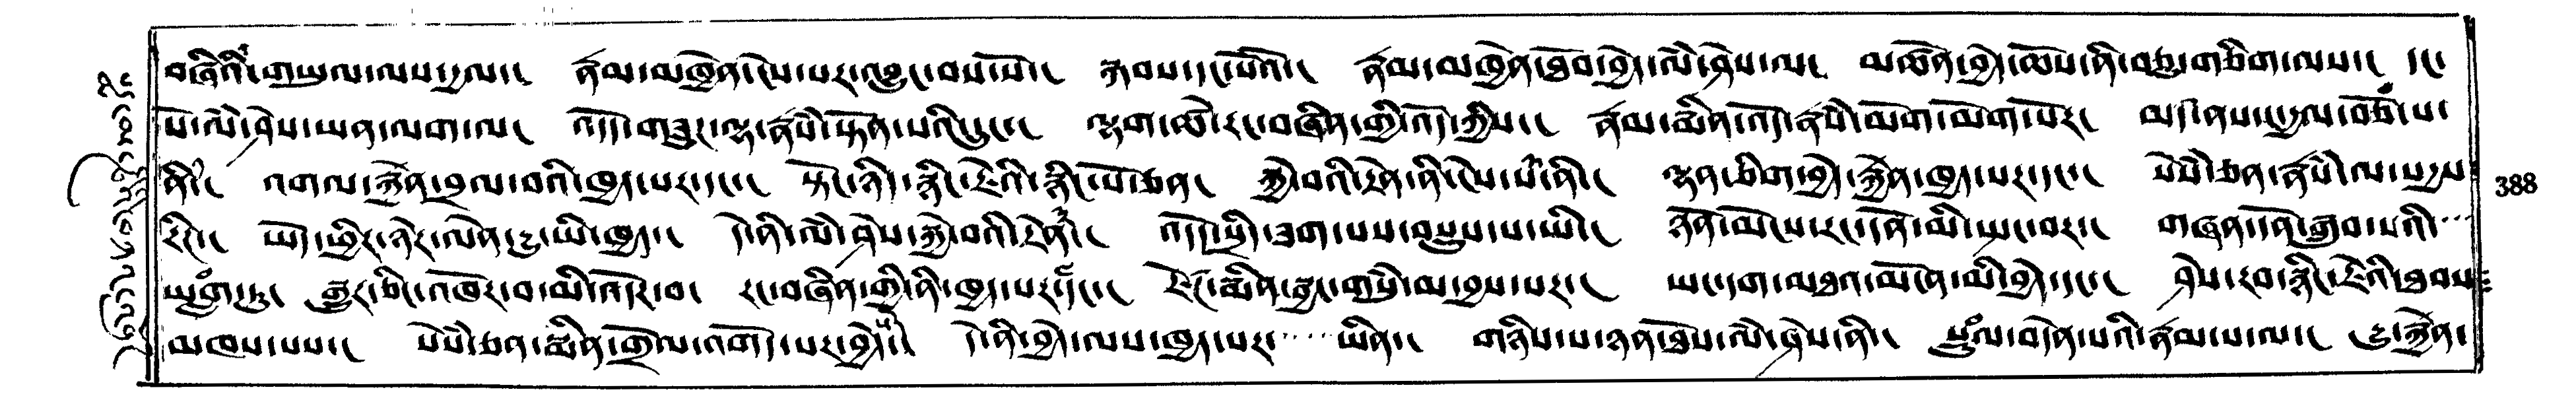བཞིའི་གཡུལ་ལས་རྒྱལ། །རྣམ་མཁྱེན་ངེས་པར་འབྱུང་བས་སོ།།།སྐབས་དང་པོའོ།། རྣམ་མཁྱེན་ཐོབ་བྱེད་ལམ་ཤེས་ལ། །མཚཽན་བྱེད་ཆོས་ནི་བཅུ་གཅིག་ལས། །དང་
པོ་ལམ་ཤེས་ཡན་ལག་ལ། །འདོད་གཟུགས་ལྷ་རྣམས་སྟོན་པའི་དྲུང་། །ལྷགས་ཚེ་རང་བཞིན་གྱི་འོད་ཀྱིས། །རྣམ་སྨིན་འོད་རྣམས་མོག་མོག་པོར། །མཛད་ནས་ང་རྒྱལ་བཅོམ་པ་
ནི། །འགལ་རྐྱེན་བྲལ་བའི་ཁྱད་པར་དང་། །སྟོང་ཉིད་སྙིང་རྗེའི་སྙིང་པོ་ཅན། །སྐྱེ་བའི་རྟེན་ནི་ངེས་པ་ནི། །ལྷན་ཅིག་བྱེད་རྐྱེན་ཁྱད་པར་དང་། །སེམས་ཅན་རྣམས་ལ་སངས་རྒྱས་
རིགས། །ཡོད་ཕྱིར་ཉེར་ལེན་རྒྱུ་ཡི་ཁྱད། །དེ་ནི་ལམ་ཤེས་སྐྱེ་བའི་རྟེན། །འདོད་སྲིད་ཟག་པས་བསྡུས་པ་ཡི། །ཉོན་མོངས་རང་དོན་མི་སྤང་བར། །གཞན་དོན་སྒྲུབ་པའི་
ཡན་ལག་ཏུ། །སྒྱུར་ཅིང་འཁོར་བ་མི་འདོར་བ། །རང་བཞིན་གྱི་ནི་ཁྱད་པར་དང་། །རྫོགས་སྨིན་སྦྱང་གསུམ་མ་བྱས་པར། །ཡང་དག་མཐའ་མངོན་མི་བྱེད་དང་། །ཤེས་རབ་སྙིང་རྗེའི་ཐབས་
མཁས་པས། །སེམས་ཅན་སྨིན་གྲོལ་འགོད་པར་བྱེད། །དེ་ནི་བྱེད་ལས་ཁྱད་པར་ཡིན། །གཉིས་པ་ཉན་ཐོས་ལམ་ཤེས་ནི། །སྡུག་བསྔལ་བདེན་པའི་རྣམ་པ་ལ། །རྒྱུ་རྐྱེན་